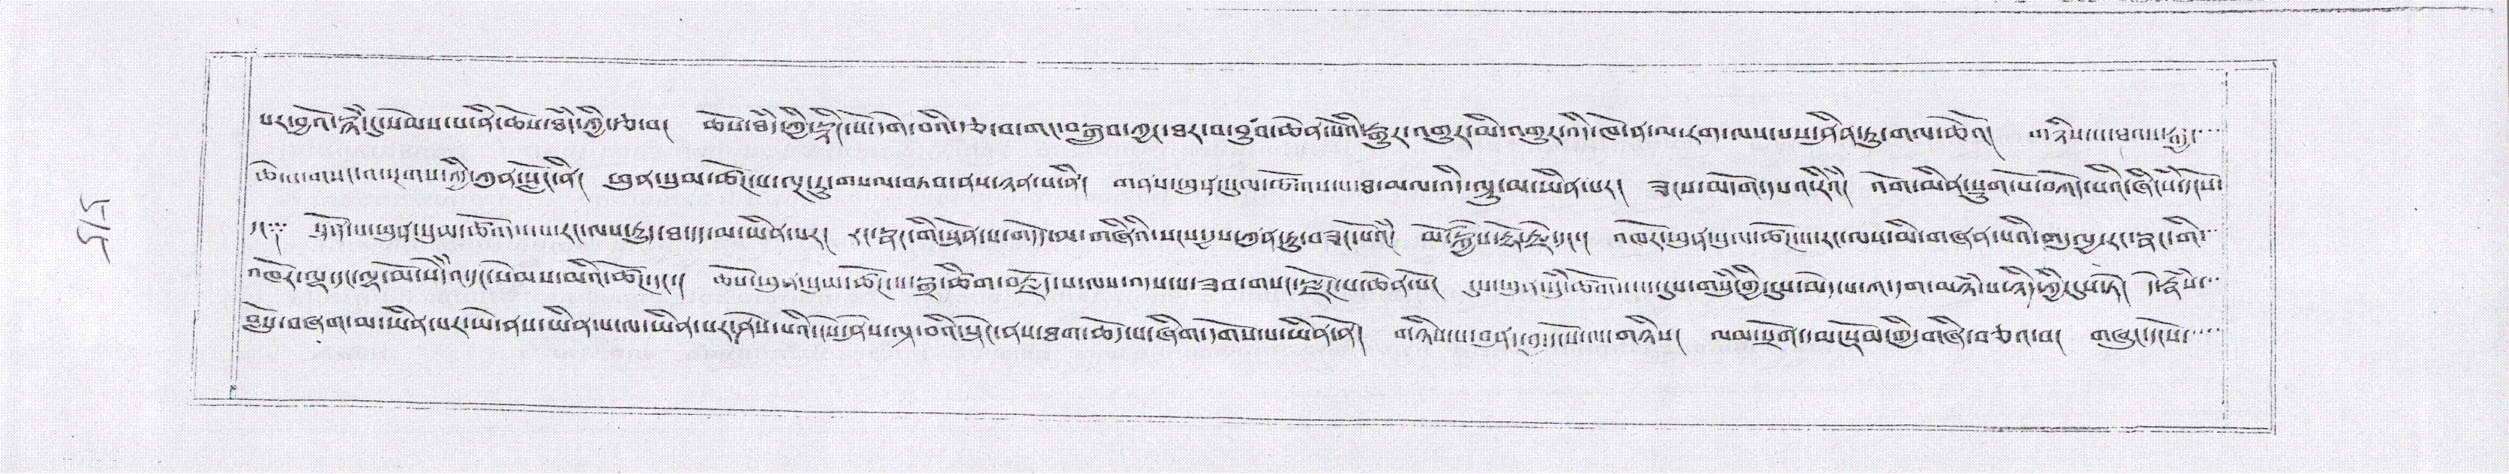པར་བྱའོ་སྙམ་པ་ནི་ཆོས་ཐམས་ཅད་ཀྱི་རྩ་བ། ཆོས་ཐམས་ཅད་ཀྱི་སྙིང་པོ་དགེ་བའི་རྩ་བ་གང་བསྒྲུབ་ཀྱང་ཐར་པ་བྱང་ཆུབ་ཆེན་པོའི་རྒྱུར་འགྱུར་མི་འགྱུར་འདི་ཁོ་ན་ལ་རག་ལས་པས་ཤིན་ཏུ་གལ་ཆེའོ། །གཉིས་པ་ཐབས་རྒྱ་
ཆེ་བ་གསང་བ་སྔགས་ཀྱི་ཀུན་སློང་ནི། ཕུན་སུམ་ཚོགས་པ་ལྔ་རུ་གསལ་བཏབ་ནས་ཉན་པ་ནི། གནས་ཕུན་སུམ་ཚོགས་པ་ཐ་མལ་འདི་ལྟ་བུ་མ་ཡིན་པར་ཟངས་མདོག་དཔལ་རི་འམ། འོག་མིན་སྟུག་པོ་བཀོད་པའི་ཞིང་ཁམས་དངོས་
དང་། སྟོན་པ་ཕུན་སུམ་ཚོགས་པ་རང་ལས་རྒྱུད་ཐ་དད་མ་ཡིན་པར། རང་སྣང་གི་སྟོན་པ་གདོད་མ་གཞིའི་སངས་རྒྱས་ཀུན་ཏུ་བཟང་པོའམ། མཚོ་སྐྱེས་རྡོ་རྗེ་དང་། འཁོར་ཕུན་སུམ་ཚོགས་པ་རང་ལས་མི་གཞན་པའི་གདུལ་བྱ་རང་སྣང་གི་
འཁོར་ལྷ་དང་ལྷ་མོ་སེམས་དཔའ་དང་སེམས་མའི་ཚོགས་དང་། ཆོས་ཕུན་སུམ་ཚོགས་པ་སྒྲ་ཚིག་བརྗོད་པ་ལས་འདས་པ་ཟབ་གསང་རྫོགས་པ་ཆེན་པོ། དུས་ཕུན་སུམ་ཚོགས་པ་དུས་གསུམ་གྱི་དུས་མེད་པ་ཀ་དག་མཉམ་པ་ཉིད་ཀྱི་དུས་ཏེ། དེ་རྣམས་
བློས་བཞག་མ་ཡིན་པར་ཡེ་ནས་ཡིན་པ་ལ་ཡིན་པར་ཤེས་པའི་ངེས་ཤེས་ལྟ་བའི་སྟེང་ནས་ཐག་ཆོད་པ་ཞིག་དགོས་པ་ཡིན་ནོ།། གཉིས་པ་བཤད་བྱ་དངོས་ལ་གཉིས། ལམ་སྲོག་དམ་སྡོམ་གྱི་གཞི་བཅའ་བ། གཞུང་དངོས་